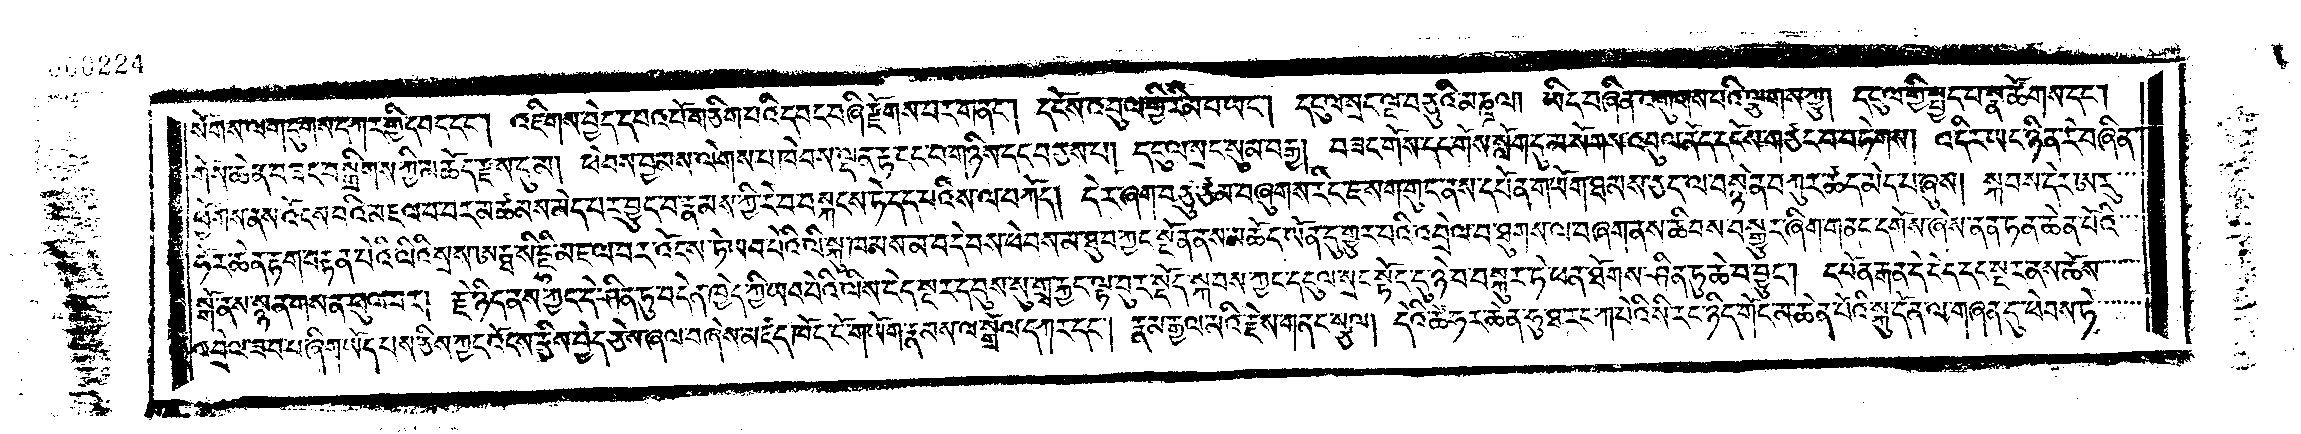སོགས་ལ་གདུགས་དཀར་གྱི་དབང་དང་། འཇིགས་བྱེད་དབའ་པོ་གཅིག་བའི་དབང་བཞི་རྫོགས་པར་གནང་། དངོས་འབུལ་གྱི་རིམ་པ་ཡང་། དངུལ་སྲང་ལྔ་བཅུའི་མཎྜལ། ཡིད་བཞིན་འགུགས་པའི་ལྕགས་ཀྱུ། དངུལ་གྱི་སྤྱད་པ་སྣ་ཚོགས་དང་།
གོས་ཆེན་བཟང་བསྒྲིགས་ཀྱི་མཆོད་རྫས་དུ་མ། ཕེབས་བྱམས་ལེགས་པ་ཁེབས་ལྡན་རྟ་དང་བ་གཉིས་དང་བཅས་པ། དངུལ་སྲང་སུམ་བརྒྱ། བཟང་གོས་དང་གོས་སློག་དུ་མ་སོགས་འབུལ་ནོད་དངོས་གཙང་བ་བཏེགས། འདིར་ཡང་ཉིན་རེ་བཞིན་
ཕྱོགས་ནས་འོངས་བའི་མཇལ་པ་བར་མཚམས་མེད་པར་བྱུང་བ་རྣམས་ཀྱི་རེ་བ་བསྐངས་ཏེ་དད་པའི་ས་ལ་བཀོད། དེར་ཞག་བཅུ་ཙམ་བཞུགས་རིང་ཇ་སག་གུང་ནས་དཔོན་གཡོག་ཐམས་ཅད་ལ་བསྙེན་བཀུར་ཚད་མེད་པ་ཞུས། སྐབས་དེར་ཨ་རུ་
ཧོར་ཆེན་རྟག་བརྟན་པོའི་ལིའི་སྲས་ཨརྠ་སིདྡྷི་མཇལ་བར་འོངས་ཏེ་ཡབ་པེའི་ལི་སྐུ་ཁམས་མ་བདེ་བས་ཕེབས་མ་ཐུབ་ཀྱང་སྔོན་ནས་མཆོད་ཡོན་དུ་གྱུར་པའི་འབྲེལ་བ་ཐུགས་ལ་བཞག་ནས་ཆིབས་བསྒྱུར་ཞིག་གནང་དགོས་ཞེས་ནན་ཏན་ཆེན་པོའི་
སྒོ་ནས་སྙན་གསན་ཕུལ་བར། རྗེ་ཉིད་ནས་ཀྱང་དེ་ཤིན་ཏུ་བདེན་ཁྱེད་ཀྱི་ཡབ་པེའི་ལིས་ངེད་སྔར་དབུས་སུ་གྲྭ་རྐྱང་ལྟ་བུར་སྡོད་སྐབས་ཀྱང་དངུལ་སྲང་སྟོང་དུ་ཉེ་བ་བསྐུར་ཏེ་ཕན་ཐོགས་ཤིན་ཏུ་ཆེ་བ་བྱུང་། དཔོན་རྒན་དེ་ངེད་དང་སྔར་ནས་ཆོས་
འབྲེལ་ཟབ་པ་ཞིག་ཡོད་པས་ཅིས་ཀྱང་འོངས་རྩིས་བྱེད་ཅེས་ཞལ་བཞེས་མཛད་ཁོང་ངོ་གཡོག་རྣམས་ལ་སྒྲོལ་དཀར་དང་། རྣམ་རྒྱལ་མའི་རྗེས་གནང་སྩལ། དེའི་ཚེ་ཧར་ཆེན་ཧུ་ཐ་རང་སྐ་པེའི་སི་རང་ཉིད་གོང་མ་ཆེན་པོའི་སྐུ་དོན་ལ་གཞན་དུ་ཕེབས་ཏེ་